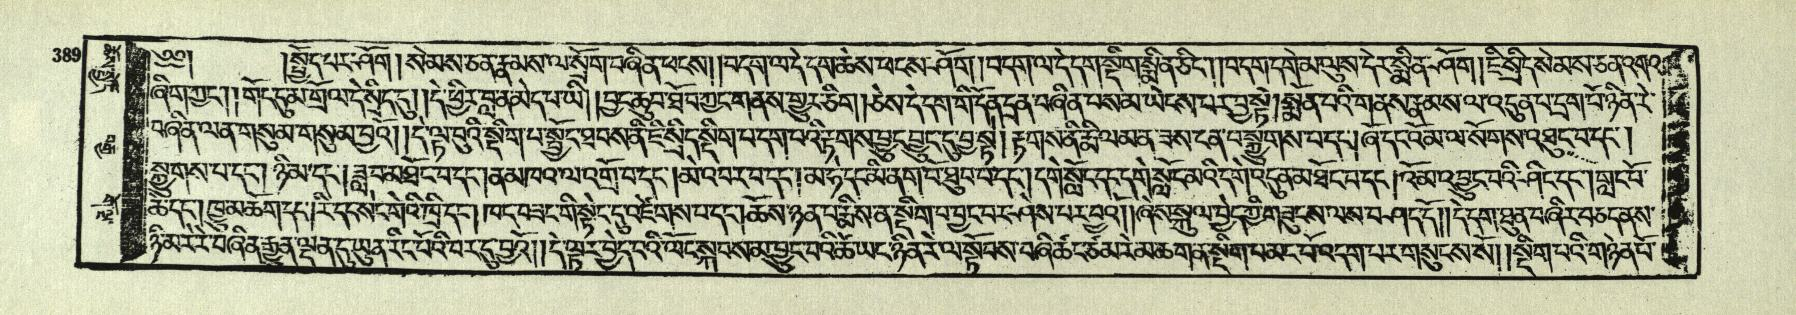༄༅། །སྤྱོད་པར་ཤོག །སེམས་ཅན་རྣམས་ལ་སྲོག་བཞིན་ཕངས། །བདག་ལ་དེ་དག་ཆེས་ཕངས་ཤོག །བདག་ལ་དེ་དག་སྡིག་སྨིན་ཅིང་། །བདག་དགེ་མ་ལུས་དེར་སྨིན་ཤོག །ཇི་སྲིད་སེམས་ཅན་འགའ་
ཞིག་ཀྱང་། །གོང་དུ་མ་གྲོལ་དེ་སྲིད་དུ། །དེ་ཕྱིར་བླ་ན་མེད་པ་ཡི། །བྱང་ཆུབ་ཐོབ་ཀྱང་གནས་གྱུར་ཅིག །ཅེས་དེ་དག་གི་དོན་དྲན་བཞིན་བསམ་ཡེངས་པར་བྱ་སྟེ། སྨོན་པའི་གནས་རྣམས་ལ་འདུན་པ་དྲག་པོ་ཉིན་རེ་
བཞིན་ལན་གསུམ་གསུམ་བྱའོ། །དེ་ལྟ་བུའི་སྡིག་པ་སྦྱོང་ཐབས་ནི་ཇི་སྲིད་སྡིག་པ་དག་པའི་རྟགས་བྱུང་བྱུང་དུ་བྱ་སྟེ། རྟགས་ནི་རྨི་ལམ་ན་ཟས་ངན་བསྐྱུགས་པ་དང་། ཞོ་དང་འོ་མ་ལ་སོགས་འཐུང་བ་དང་།
སྐྱུགས་པ་དང་། ཉི་མ་དང་། ཟླ་བ་མཐོང་བ་དང་། ནམཁའ་ལ་འགྲོ་བ་དང་། མེ་འབར་བ་དང་། མ་ཧེ་དང་མི་ནག་པོ་ཐུབ་པ་དང་། དགེ་སློང་དང་དགེ་སློང་མའི་དགེ་འདུན་མཐོང་བ་དང་། འོ་མ་འབྱུང་བའི་ཤིང་དང་། གླང་པོ་
ཆེ་དང་། ཁྱུ་མཆོག་དང་། རི་དང་སེང་གེའི་ཁྲི་དང་། ཁང་བཟང་གི་སྟེང་དུ་འཛེགས་པ་དང་། ཆོས་ཉན་པ་རྨིས་ན་སྡིག་པ་བྱང་བར་ཤེས་པར་བྱའོ། །ཞེས་སྐུལ་བྱེད་ཀྱི་གཟུངས་ལས་བཤད་དོ། །དེ་དག་ཐུན་བཞིར་བཅད་ནས་
ཉི་མ་རེ་རེ་བཞིན་རྒྱུན་ལྡན་དུ་ཡུན་རིང་པོའི་བར་དུ་བྱའོ། །དེ་ལྟར་བྱེད་པའི་ལོང་སྐབས་མ་བྱུང་བའི་ཚེ་ཡང་ཉིན་རེ་ལ་སྟོབས་བཞི་ཚང་ཙམ་རེ་མ་ཆག་ན་སྡིག་པ་མང་པོ་འདག་པར་གསུངས་སོ། །སྡིག་པའི་གཉེན་པོ་